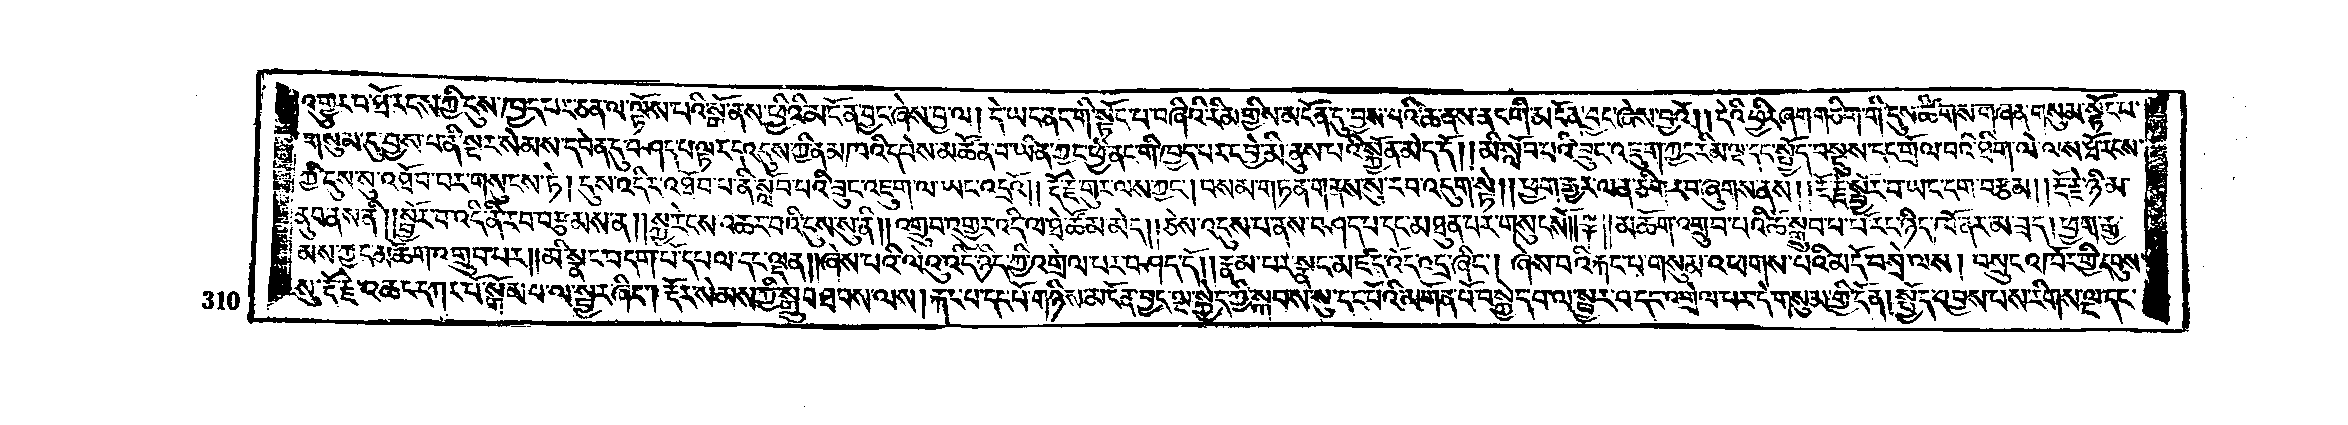འགྱུར་བ་ཐོ་རངས་ཀྱི་དུས་ཁྱད་པར་ཅན་ལ་ལྟོས་པའི་སྒོ་ནས་ཕྱིའི་མངོན་བྱང་ཞེས་བྱ་ལ། དེ་ཡང་ནང་གི་སྟོང་པ་བཞིའི་རིམ་གྱིས་མངོན་དུ་བྱས་པའི་ཆ་ནས་ནང་གི་མངོན་བྱང་ཞེས་བྱའོ། །དེའི་ཕྱིར་ཞག་གཅིག་གི་དུས་ཚིགས་གཞན་གསུམ་སྟོང་པ་
གསུམ་དུ་བྱས་པ་ནི་སྔར་སེམས་དབེན་དུ་བཤད་པ་ལྟར་དེའི་དུས་ཀྱི་ནམ་མཁའི་དཔེས་མཚོན་པ་ཡིན་ཀྱང་ཕྱི་ནང་གི་ཁྱད་པར་དབྱེ་མི་ནུས་པའི་སྐྱོན་མེད་དོ། །མི་སློབ་པའི་ཟུང་འཇུག་ཀྱང་རིམ་ལྔ་དང་སྤྱོད་བསྡུས་དང་གྲོལ་བའི་ཐིག་ལེ་ལས་ཐོ་རངས་
ཀྱི་དུས་སུ་འཐོབ་པར་གསུངས་ཏེ། དུས་འདིར་འཐོབ་པ་ནི་སློབ་པའི་ཟུང་འཇུག་ལ་ཡང་འདྲའོ། །རྡོ་རྗེ་གུར་ལས་ཀྱང་། བསམ་གཏན་གནས་སུ་རབ་འདུག་སྟེ། །ཕྱག་རྒྱར་ལན་ཅིག་རབ་ཞུགས་ནས། །རྡོ་རྗེ་སྦྱོར་བ་ཡང་དག་བརྩམ། །རྡོ་རྗེ་ཉི་མ་
ཕ༹ནུབ་ནས་ནི། །སྦྱོར་བ་འདི་ནི་རབ་བརྩམས་ན། །སྐྱ་རེངས་འཆར་བའི་དུས་སུ་ནི། །འགྲུབ་འགྱུར་འདི་ལ་ཐེ་ཚོམ་མེད། །ཅེས་འདུས་པ་ནས་བཤད་པ་དང་མཐུན་པར་གསུངས་སོ།། ༈ །།མཆོག་འགྲུབ་པའི་ཚེ་སྒྲུབ་པ་པོ་རང་ཉིད་ཁོ་ནར་མ་ཟད། ཕྱག་རྒྱ་
མས་ཀྱང་མཆོག་འགྲུབ་པར། །མི་སྣང་བདག་པོ་དཔལ་དང་ལྡན། །ཞེས་པའི་ལེའུ་འདི་ཉིད་ཀྱི་འགྲེལ་པར་བཤད་དོ། །རྣམ་པར་སྣང་མཛད་འོད་འདྲ་ཞིང་། ཞེས་པའི་རྐང་པ་གསུམ་འཕགས་པའི་མདོ་བསྲེ་ལས། བསྲུང་འཁོར་གྱི་དབུས་
སུ་རྡོ་རྗེ་འཆང་དཀར་པོ་སྒོམ་པ་ལ་སྦྱར་ཞིང་། རྡོར་སེམས་ཀྱི་སྒྲུབ་ཐབས་ལས། རྐང་པ་དང་པོ་གཉིས་མངོན་བྱང་ལྔ་སྐྱེད་ཀྱི་སྐབས་སུ་དང་པོའི་མགོན་པོ་བསྐྱེད་པ་ལ་སྦྱར་བ་དང་འགྲེལ་པར་དེ་གསུམ་གྱི་དོན། སྤྱོད་པ་བྱས་པས་རིགས་ལྔ་དང་